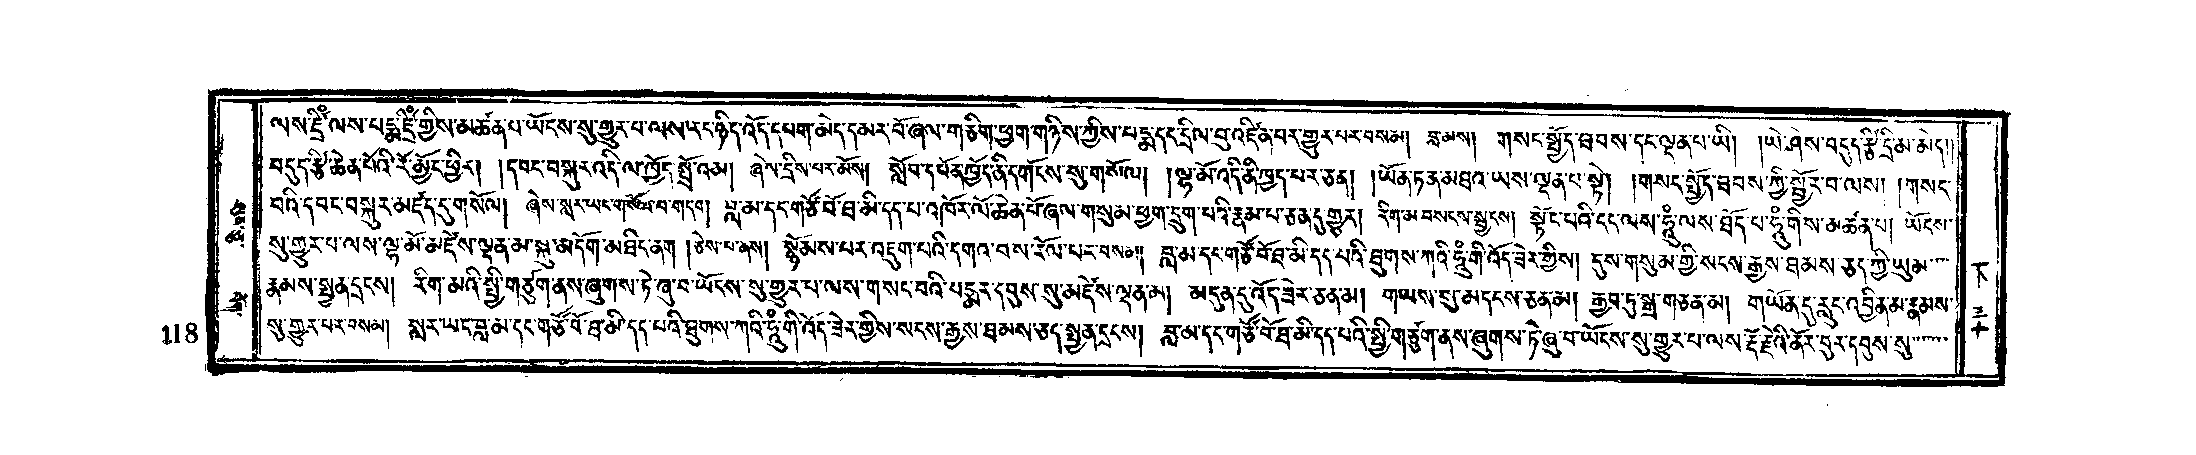ལས་ཛྲིཾ་ལས་པདམ་ཛྲིཾ་གྱིས་མཚན་པ་ཡོངས་སུ་གྱུར་པ་ལས་རང་ཉིད་འོད་དཔག་མེད་དམར་པོ་ཞལ་གཅིག་ཕྱག་གཉིས་ཀྱིས་པདམ་དང་དྲིལ་བུ་འཛིན་པར་གྱུར་པར་བསམ། བླ་མས། གསང་སྤྱོད་ཐབས་དང་ལྡན་པ་ཡི། །ཡེ་ཤེས་བདུད་རྩི་དྲི་མ་མེད། །
བདུད་རྩི་ཆེན་པོའི་རོ་མྱོང་ཕྱིར། །དབང་བསྐུར་འདི་ལ་ཁྱོད་སྤྲོ་འམ། ཞེས་དྲིས་པར་མོས། སློབ་དཔོན་ཁྱོད་ནི་དགོངས་སུ་གསོལ། །ལྷ་མོ་འདི་ནི་ཁྱད་པར་ཅན། །ཡོན་ཏན་མཐའ་ཡས་ལྡན་པ་སྟེ། །གསང་སྤྱོད་ཐབས་ཀྱི་སྦྱོར་བ་ལས། །གསང་
བའི་དབང་བསྐུར་མཛད་དུ་གསོལ། ཞེས་སླར་ཡང་གསོལ་བ་གདབ། བླ་མ་དང་གཙོ་བོ་ཐ་མི་དད་པ་འཁོར་ལོ་ཆེན་པོ་ཞལ་གསུམ་ཕྱག་དྲུག་པའི་རྣམ་པ་ཅན་དུ་གྱུར། རིག་མ་བསངས་སྦྱངས། སྟོང་པའི་ངང་ལས་ཧཱུཾ་ལས་ཐོད་པ་ཧཱུཾ་གིས་མཚན་པ། ཡོངས་
སུ་གྱུར་པ་ལས་ལྷ་མོ་མཛེས་ལྡན་མ་སྐུ་མདོག་མཐིང་ནག །ཅེས་པ་ནས། སྙོམས་པར་འཇུག་པའི་དགའ་བས་རོལ་པར་བསམ། བླ་མ་དང་གཙོ་བོ་ཐ་མི་དད་པའི་ཐུགས་ཀའི་ཧཱུཾ་གི་འོད་ཟེར་གྱིས། དུས་གསུམ་གྱི་སངས་རྒྱས་ཐམས་ཅད་ཀྱི་ཡུམ་
རྣམས་སྤྱན་དྲངས། རིག་མའི་སྤྱི་གཙུག་ནས་ཞུགས་ཏེ་ཞུ་བ་ཡོངས་སུ་གྱུར་པ་ལས་གསང་བའི་པདམར་དབུས་སུ་མཛེས་ལྡན་མ། མདུན་དུ་འདོད་ཟེར་ཅན་མ། གཡས་སུ་མདངས་ཅན་མ། རྒྱབ་ཏུ་སྒྲ་གཅན་མ། གཡོན་དུ་རླུང་འབྱིན་མ་རྣམས་
སུ་གྱུར་པར་བསམ། སླར་ཡང་བླ་མ་དང་གཙོ་བོ་ཐ་མི་དད་པའི་ཐུགས་ཀའི་ཧཱུཾ་གི་འོད་ཟེར་གྱིས་སངས་རྒྱས་ཐམས་ཅད་སྤྱན་དྲངས། བླ་མ་དང་གཙོ་བོ་ཐ་མི་དད་པའི་སྤྱི་གཙུག་ནས་ཞུགས་ཏེ་ཞུ་བ་ཡོངས་སུ་གྱུར་པ་ལས་རྡོ་རྗེའི་ནོར་བུར་དབུས་སུ་